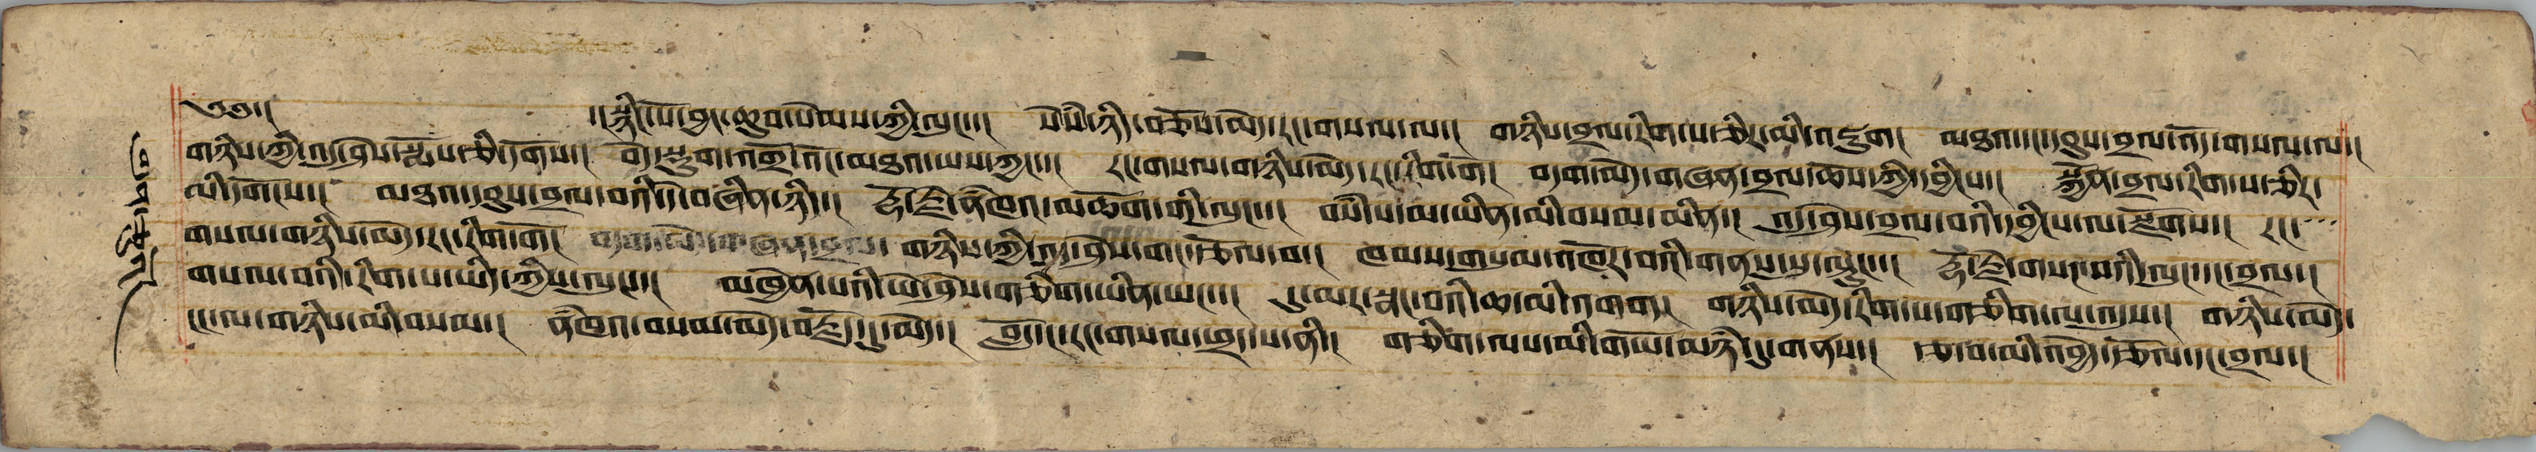༄༅་། ་།སྙིང་པོ་བྱང་ཆུབ་སེམས་ཀྱི་ལུང་་། སེཾས་ཉིད་བཅོས་མེད་རང་གསལ་ལ་། གཉིས་བྲལ་རིག་པ་ཅིར་མི་འཇུག། མཐའ་དང་དབུས་བྲལ་འོད་གསལ་ལ་།
གཉིས་ཀྱི་འདུ་ཤེས་སྨོས་ཅི་དགོས་། བདེ་སྡུག་འགྲོ་འོང་མཐའ་ཡས་ཀྱང་་། རང་གསལ་གཉིས་མེད་རང་རིག་གོ། བདག་མེད་གཞན་བྲལ་ཆོས་ཀྱི་དབྱིངས་། སྐྱེན་བྲལ་རིག་པ་ཅིར་
མི་དགོས་། མཐའ་དབུས་བྲལ་བའི་དེ་བཞིན་ཉིད་། རྡོ་རྗེ་ནཾཁའ་མཆོག་གི་ལུང་་། བསཾ་པ་མ་ཡིན་མི་བསམ་མིན་། འདུ་ཤེས་བྲལ་བའི་དབྱིངས་ལ་སྫོགས་། རང་
གསལ་གཉིས་མེད་རང་རིག་གོ། བདག་མེད་གཞན་བྲལ་ གཉིས་ཀྱི་འདུ་ཤེས་གང་རྩོལ་བ་། ཁམས་གསུམ་འཁོར་བའི་གནས་སུ་ལྟུང་་། རྡོ་རྗེ་གསང་བའི་ལུང་དང་བྲལ་།
གསལ་བའི་རིག་པ་ཡིད་ཀྱིས་ལུང་་། མཁྱེན་པའི་ཡེ་ཤེས་གཅིག་ཡིན་ཡང་་། དུ་མར་སྣང་བའི་ཆ་མི་འགག། གཉིས་མེད་རིག་པ་གཅིག་ལ་འདུས་། གཉིས་མེད་
ངང་ལ་གཉིས་མི་བསམ་། ནཾཁའ་བསམ་མེད་བརྗོད་དུ་མེད་། བློ་དང་རང་གསལ་ཕྲད་པ་ནི་། གཅིག་ལས་མི་གཡོ་མཉཾ་དུ་གནས་། རྩ་བ་མི་འབྱེད་རྩོལ་དང་བྲལ་།